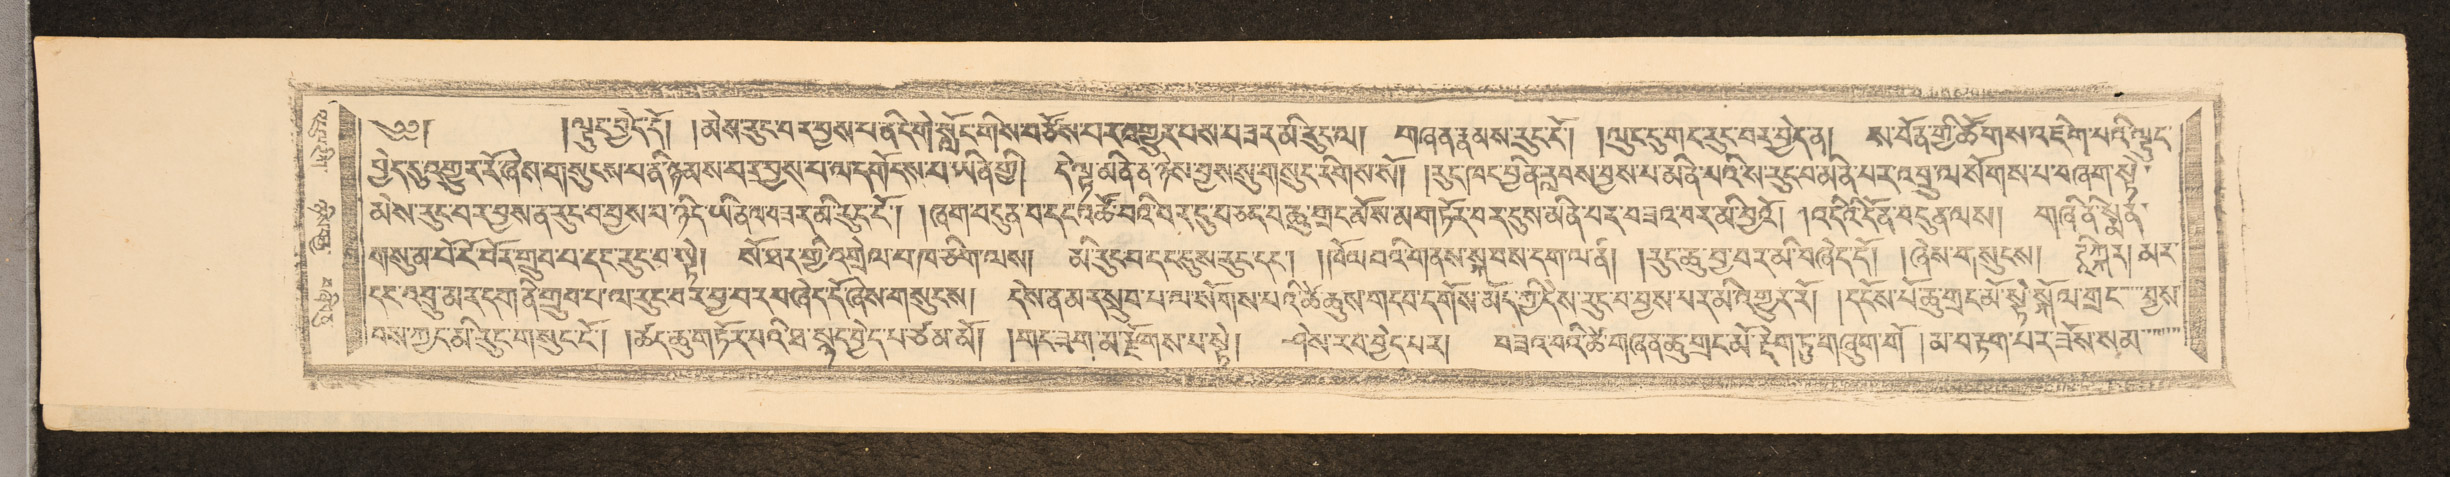༄༅། །ལྟུང་བྱེད་དོ། །མེས་རུང་བར་བྱས་པ་ནི་དགེ་སློང་གིས་བཙོས་པར་འགྱུར་བས་བཟར་མི་རུང་ལ། གཞན་རྣམས་རུང་ངོ། །ལུང་དུ་གང་རུང་བར་བྱེད་ན། ས་བོན་གྱི་ཚོགས་འཇིག་པའི་ལྟུང་
བྱེད་དུ་འགྱུར་རོ་ཞེས་གསུངས་པ་ནི་ཉམས་བར་བྱས་བ་ལ་དགོངས་པ་ཡིན་གྱི། དེ་ལྟ་མིན་ན་ཉེས་བྱས་སུ་གསུང་རིགས་སོ། །རུང་ཁང་བྱིན་རླབས་བྱས་པ་མིན་པའི་ས་རུང་བ་མིན་པར་འབྲུ་ལ་སོགས་པ་བཞག་སྟེ་
མེས་རུང་བར་བྱས་ན་རུང་བ་བྱས་པ་ཉིད་ཡིན་ལ་བཟར་མི་རུང་ངོ། །ཞག་བདུན་བ་དང་འཚོ་བའི་བར་དུ་བཅད་བ་ཆུ་གྲང་མོས་མ་གཏོར་བར་དུས་མིན་པར་བཟའ་བར་མི་བྱའོ། །འདིའི་དོན་བདུན་ལས། གཞི་ནི་སྨན་
གསུམ་པོ་ངོ་བོར་གྲུབ་བ་དང་རུང་བ་སྟེ། སོ་ཐར་གྱི་འགྲེལ་བ་ཁ་ཅིག་ལས། མི་རུང་བ་དང་དུས་རུང་དང་། །ཁོལ་བའི་གནས་སྐབས་དག་ལ་ནི། །རུང་ཆུ་བྱ་བར་མི་བཞེད་དོ། །ཞེས་གསུངས། ཊཱིཀྐར། མར་
དང་འབྲུ་མར་དག་ནི་གྲུབ་པ་ལ་རུང་བར་བྱ་བར་བཞེད་དོ་ཞེས་གསུངས། དེས་ན་མར་སྲུབ་བ་ལ་སོགས་པའི་ཚེ་ཆུས་གདབ་དགོས་མོད་ཀྱི་དེས་རུང་བ་བྱས་བར་མི་འགྱུར་རོ། །དངོས་པོ་ཆུ་གྲང་མོ་སྟེ་སྐོལ་གྲང་བྱས་
བས་ཀྱང་མི་རུང་གསུང་ངོ། །ཚད་ཆུ་གཏོར་བའི་ཐ་སྙད་བྱེད་བ་ཙམ་མོ། །གང་ཟག་མ་རྫོགས་བ་སྟེ། ཤེས་རབ་བྱེད་པར། བཟའ་བའི་ཚེ་གཞན་ཆུ་གྲང་མོ་རྡེག་ཏུ་གཞུག་གོ །མ་བརྟག་པར་ཟོས་སམ་